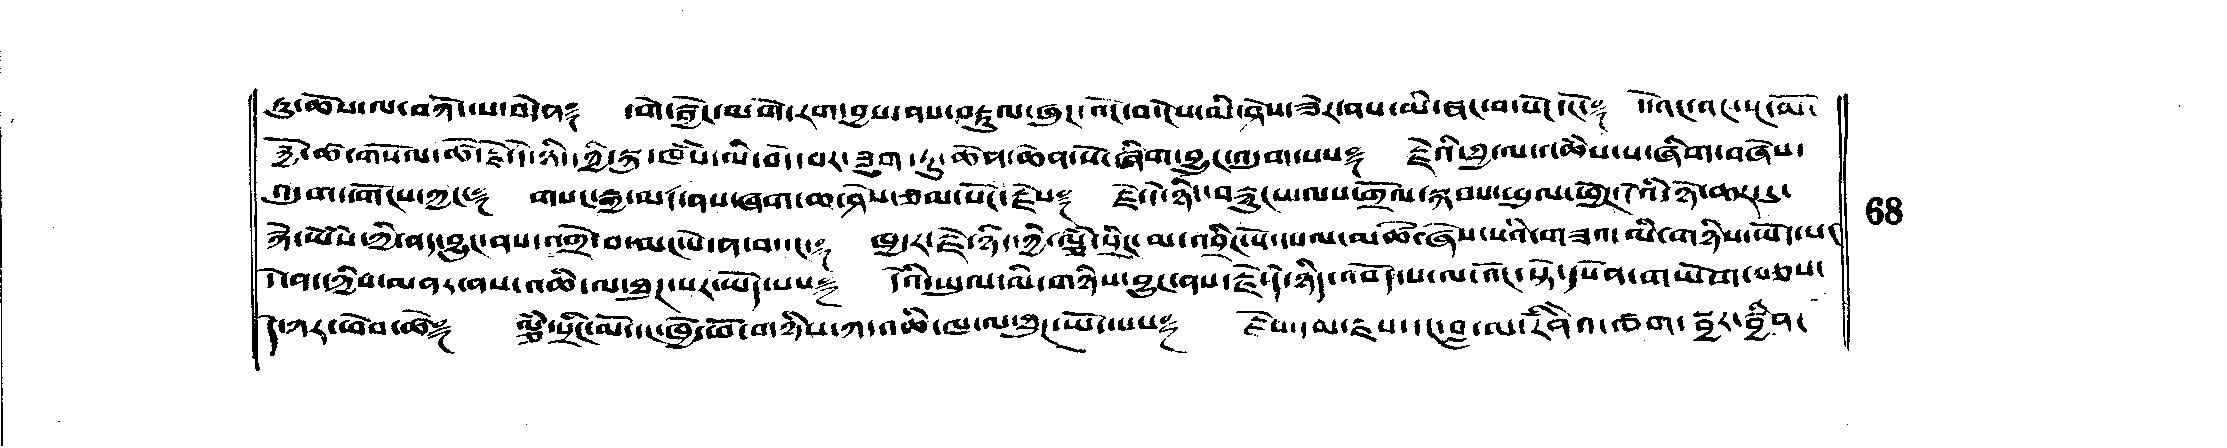ཏུ་ཆོས་ལ་བཀོད་པ་བདེན། དགེ་སྦྱོང་མགོ་རེག་བྱས་ནས་བརྟུལ་ཞུགས་འོང་བ་ངས་མི་ཤེས་ཟེར་ནས་མི་སྣང་བ་སོང་ངོ་། དེ་ནང་ནང་སྔ་མོ་
སྐྱོ་ཚ་གསོལ་ཚེ་རྗེ་དེ་ཉིད་ཀྱི་སྐུ་ཁམས་མི་བདེ་བར་ཟུག་རྔུ་ཆེན་པོ་ཞིག་བྱུང་འདུག་པས། རྗེའི་ཐུགས་ལ་ཆམ་པ་ཞིག་བཞེས་
འདུག་དགོངས་ཀྱང་། གསང་རྒྱ་མཛད་ནས་ཞག་ཆ་ཤས་ཙམ་སོང་རྗེས། རྗེ་དེ་ཉིད་བསྙུངས་ལས་གྲོལ་སྐབས་ཡུལ་ཕྱོགས་དེའི་ཉེ་ཆར་དུ་
སྐེ་ཡམས་ཀྱི་ནད་བྱུང་ནས་འགྲོ་བ་མང་པོ་ན་བ་དང་། ཁྱད་པར་རྗེ་ཉིད་ཀྱི་ལྕམ་སྲིང་མ་འབྲིང་པོ་དཔལ་མཚོ་ཞེས་པའི་གཟའ་མི་གཉིས་ཡོད་པ་
དེ་ནད་ཀྱིས་མནར་ནས་འཆི་ལ་ཐུགས་པར་ཡོད་པས། དེའི་ཡུལ་མི་གཉིས་བྱུང་ནས་རྗེ་དེ་ཉིད་འབོད་པ་ལ་འོང་སྟེ་དཔོན་གཡོག་བཅས་
དེ་ཀར་ཕེབས་ཚེ། ལྕམ་སྲིང་མོ་དང་ཁྱོ་ཕོ་གཉིས་ཀ་འཆི་ཁ་ལ་ཐུག་ཡོད་པས། རྗེས་དམ་རྫས་དང་བླ་མ་རིན་པོ་ཆེའི་ཆག་སྦྱར་སྦྱིན་